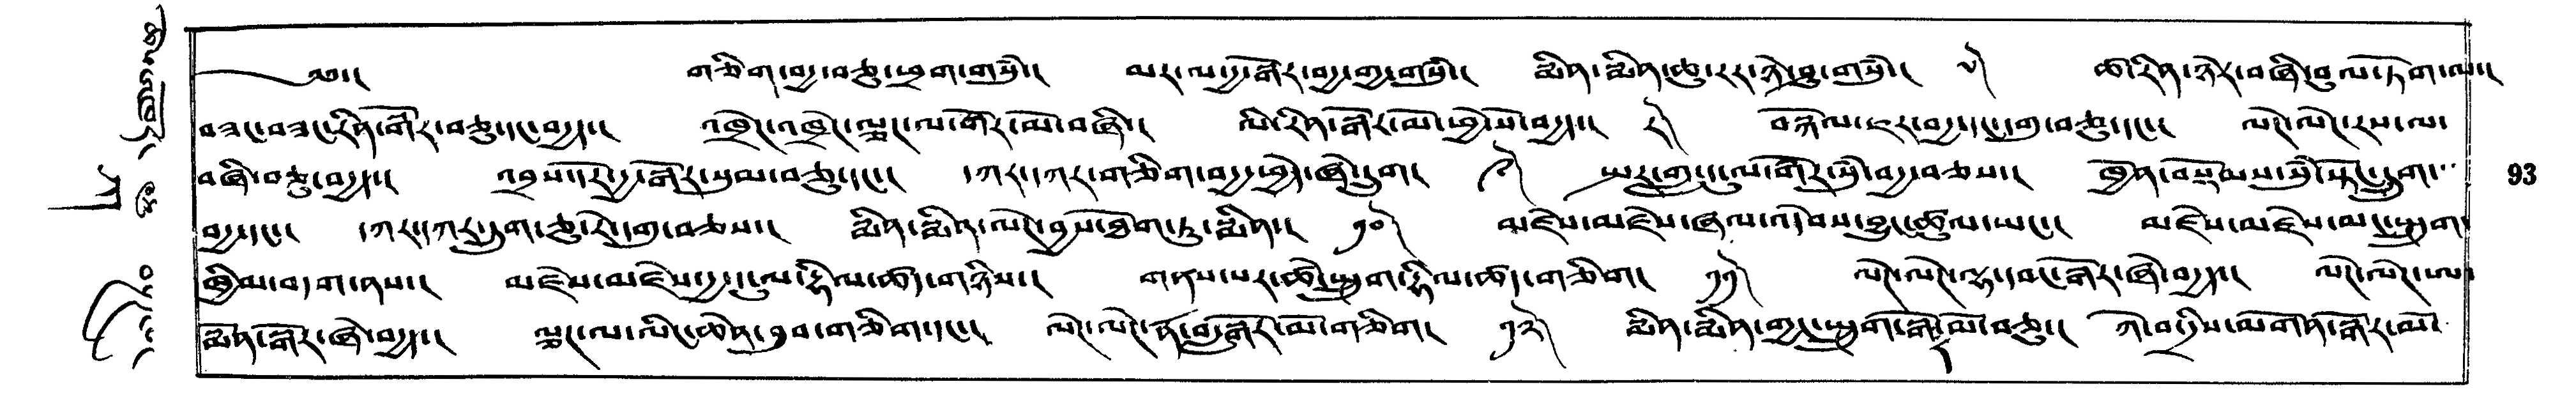ཆིག་བརྒྱ་བཅུ་ཕྲག་གསུམ། །མར་ལ་རྒྱ་སྒོར་བརྒྱ་གྱ་གསུམ། །སྨིན་སྨིན་ཆུ་རར་ཉི་ཤུ་གསུམ། ། ༧༽ཚ་རིན་ཉེར་བཞི་བུལ་ཏོག་ལ། །
བཟང་བཟང་རིན་སྒོར་བཅུ་དང་བརྒྱད། མཁྲེགས་མཁྲེགས་ལྕགས་ལ་སྒོར་མོ་བཞི། །ལི་རིན་སྒོར་མོ་ཕྱེད་སོ་བརྒྱད། ། ༨༽ བསྐོལ་ཇར་བརྒྱ་དང་དགུ་བཅུ་དང་། །ལེགས་ལེགས་རས་ལ་
བཞི་བཅུ་བརྒྱད། །འབྲས་དོར་རྒྱ་སྒོར་སུམ་ཅུ་དང་། །དཀར་དཀར་ཆིག་བརྒྱ་ཕྱེད་ཞེ་དྲུག ། ༩༽ སྤར་གླ་དངུལ་སྒོར་སུམ་བརྒྱ་བཅས། །ཁྱོན་བསྡོམས་སུམ་སྟོང་དྲུག་
བརྒྱ་དང་། །དཀར་དཀར་དྲུག་ཅུ་རེ་དགུ་བཅས། །སྨིན་སྨིན་ལེགས་བྱས་ཐོག་ཏུ་སྨིན། །༡༠༽ མཛེས་མཛེས་ཞལ་འདེབས་བྱུང་ཚུལ་ཡང་། །མཛེས་མཛེས་མང་སྤྲུག་
ཁྱིམ་བདག་ནས། །མཛེས་མཛེས་རྒྱ་དངུལ་རྡིལ་ཚད་གཉིས། །གནས་པར་ཚེ་སྤྲུག་རྡིལ་ཚད་གཅིག ། ༡༡༽ ལེགས་ལེགས་ལྷ་དབང་སྒོར་ཞེ་བརྒྱད། །ལེགས་ལེགས་ཨ་
སྨོན་སྒོར་ཞེ་བརྒྱད། །ལྕགས་ལ་ལིང་ཆེན་བུབ་གཅིག་དང་། ། ལེགས་ལེགས་རྣ་བླ་སྒོར་མོ་གཅིག ། ༡༢༽ སྨིན་སྨིན་གྱང་སྤྲུག་སྒོར་མོ་བཅུ། །ཀོ་བ་དྲིས་མགོན་སྒོར་མོ་